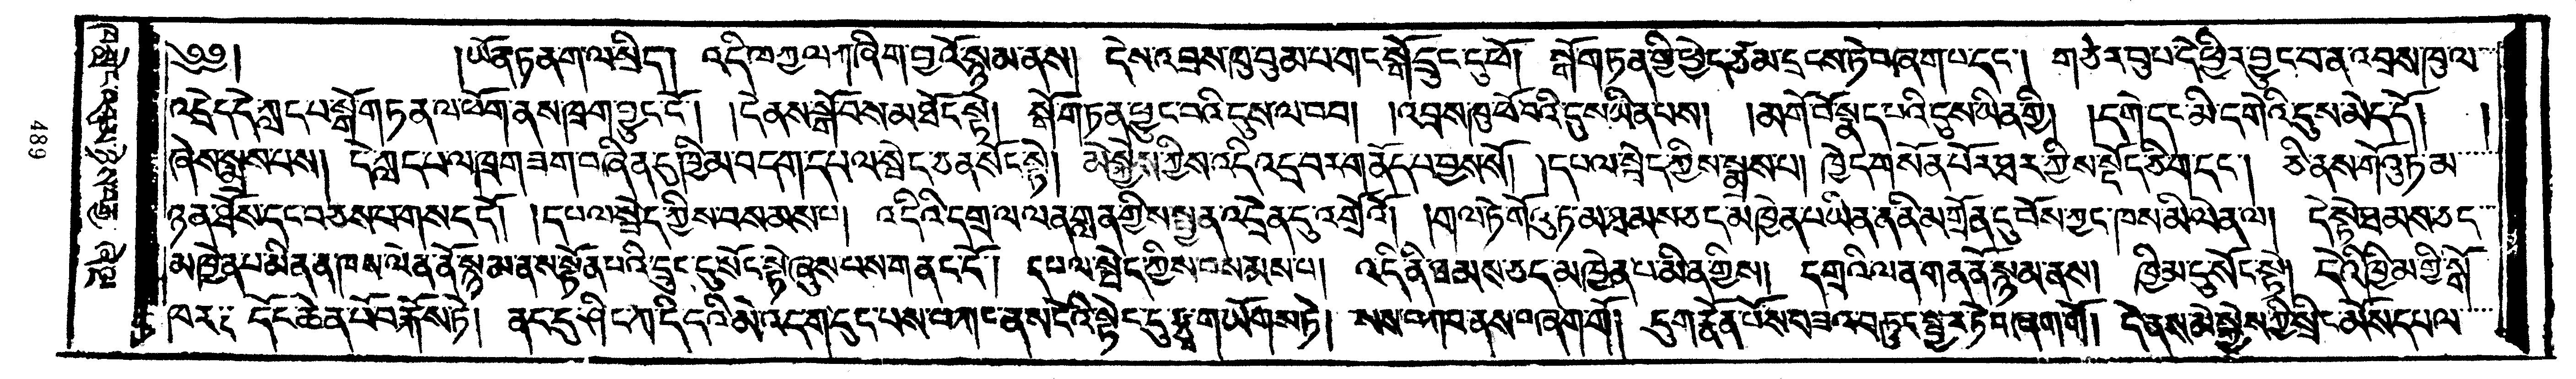༄༅། །ཡོན་ཏན་ག་ལ་སྲིད། འདི་ལ་ཀྱལ་ཀ་ཞིག་བྱའོ་སྙམ་ནས། དེས་འབྲས་ཁུ་བུམ་པ་གང་སྒོ་དྲུང་དུ་ཕོ། སྒོ་གཏན་གྱི་ཕྱེད་ཙམ་དྲངས་ཏེ་བཞག་པ་དང་། གཅེར་བུ་པ་དེ་ཕྱིར་བྱུང་བ་ན་འབྲས་ཁུ་ལ་
འདྲེད་དེ་ཀླད་པ་སྒོ་གཏན་ལ་ཕོག་ནས་ཁྲག་བྱུང་ངོ། །དེ་ནས་སྒོ་བས་མཐོང་སྟེ། སྒོ་གཏན་ཕྱུང་བའི་དུས་ལ་བབ། །འབྲས་ཁུ་ཕོ་བའི་དུས་ཡིན་པས། །མགོ་བོ་སྣད་པའི་དུས་ཡིན་གྱི། །དགེ་དང་མི་དགེའི་དུས་མེད་དོ། །
ཞེས་སྨྲས་པས། དེ་ཀླད་པ་ལ་ཁྲག་ཟག་བཞིན་དུ་ཁྱིམ་བདག་དཔལ་སྦེད་ཅན་སོང་སྟེ། མེ་སྐྱེས་ཀྱིས་འདི་འདྲ་བར་གནོད་པ་བྱས་སོ། །དཔལ་སྦེད་ཀྱིས་སྨྲས་པ། ཁྱེད་གསོན་པོར་ཐར་ཀྱིས་སྡོད་ཅིག་དང་། ཅི་ནས་གོའུ་ཏ་མ་
ཉན་ཐོས་དང་བཅས་པ་གསད་དོ། །དཔལ་སྦེད་ཀྱིས་བསམས་པ། འདིའི་དགྲ་ལ་ལན་གླན་གྱིས་སྤྱན་འདྲེན་དུ་འགྲོའོ། །གལ་ཏེ་གོའུ་ཏ་མ་ཐམས་ཅད་མཁྱེན་པ་ཡིན་ན་ནི་མགྲོན་དུ་བོས་ཀྱང་ཁས་མི་ལེན་ལ། དེ་སྟེ་ཐམས་ཅད་
མཁྱེན་པ་མིན་ན་ཁས་ལེན་ནོ་སྙམ་ན་ས་སྟོན་པའི་དྲུང་དུ་སོང་སྟེ་ཞུས་པས་གནང་ངོ། དཔལ་སྦེད་ཀྱིས་བསམས་པ། འདི་ནི་ཐམས་ཅད་མཁྱེན་པ་མིན་གྱིས། དགྲའི་ལན་གན་ནོ་སྙམ་ནས། ཁྱིམ་དུ་སོང་སྟེ། དེའི་ཁྱིམ་གྱི་སྒོ་
ཁར༑ དོང་ཆེན་པོ་བརྐོས་ཏེ། ནང་དུ་ཤིང་ཀ་དི་དའི་མེ་འདག་དུང་པས་བཀང་ནས་ངེའི་སྟེང་དུ་རྩྭ་གཡོགས་ཏེ། སས་བཀའ་ནས་བཞག་གོ། དུག་རྣོན་པོས་བཟའ་བཏུང་སྦྱར་ཏེ་བཞག་གོ། དེ་ནས་མེ་སྐྱེས་ཀྱི་སྲིང་མོས་དཔལ་